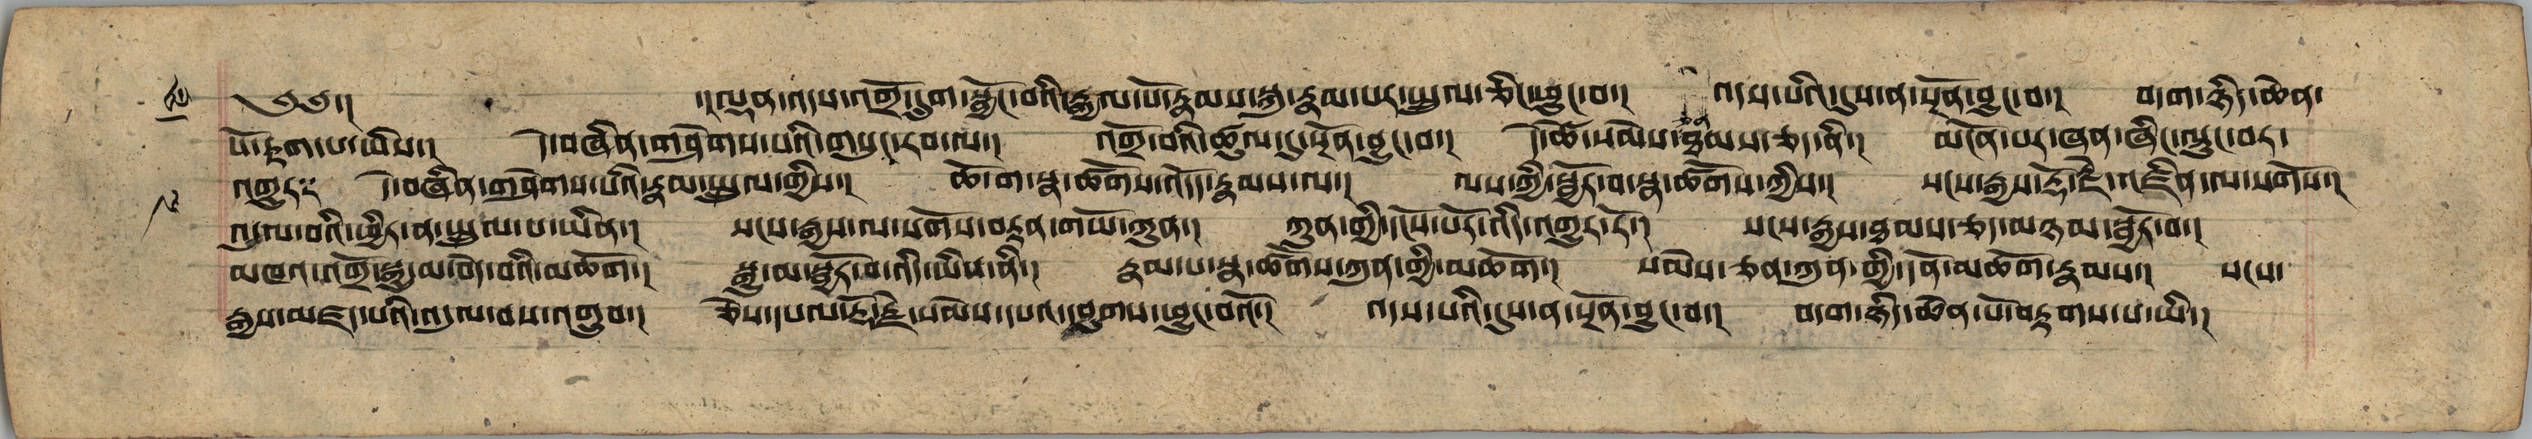༄༅་། ་།ལྡན་འདས་འགྲོ་དྲུག་སྦྱོང་བའི་རྒྱལ་པོ་རྣམས་སྐུ་རྣམ་པར་སྤྲུལ་ཅིང་ཕྱུང་བ་། འདས་པའི་དུས་ན་སྔོན་བྱུང་བ་། བདག་ཉིད་ཆེན་
སོ་རྟག་པ་ཡིས་། དེ་བཞིན་གཤེགས་པའི་གསུང་རབ་ལ་། འགྲོ་བའི་ཚུལ་དུ་སྔོན་བྱུང་བ་། དེ་ཚེ་སེམས་ཅན་ཐམས་ཅད་ནི་། མངོན་པར་ཞན་ཞིང་ལྟུང་བར་
འགྱུར༑ དེ་བཞིན་གཤེགས་པའི་རྣམ་སྤྲུལ་གྱིས་། ཆོ་ག་སྣ་ཚོགས་འདོད་རྣམས་ལ་། ལས་ཀྱི་སྦྱོར་བ་སྣ་ཚོགས་ཀྱིས་། སངས་རྒྱས་རྡོ་རྗེ་འཛིན་ལ་སོགས་།
འདུལ་བའི་ཕྱིར་ན་སྤྲུལ་པ་ཡིན་། སངས་རྒྱས་ལ་སོགས་བརྟན་གཡོ་ཀུན་། ཀུན་གྱི་དངོས་པོར་འདི་འགྱུར་རོ་། སངས་རྒྱས་ཐམས་ཅད་མཉམ་སྦྱོར་བ་།
མཁའ་གྲོ་སྒྱུ་མ་བདེ་བའི་མཆོག་། སྒྱུ་མ་སྦྱོར་བ་འདི་ཡིས་ནི་། རྣམ་པ་སྣ་ཚོགས་ཀུན་གྱི་མཆོག་། སེམས་ཅན་ཀུན་གྱི་དོན་མཆོག་རྣམས་། སངས་
རྒྱས་མཛད་པའི་འདུལ་བས་འགྲུབ་། ཅེས་དཔལ་རྡོ་རྗེ་སེམས་དཔའ་དབྱུགས་ཕྱུང་བའོ་། འདས་པའི་དུས་ན་སྔོན་བྱུང་བ་། བདག་ཉིད་ཆེན་པོ་བརྟགས་པ་ཡི་།